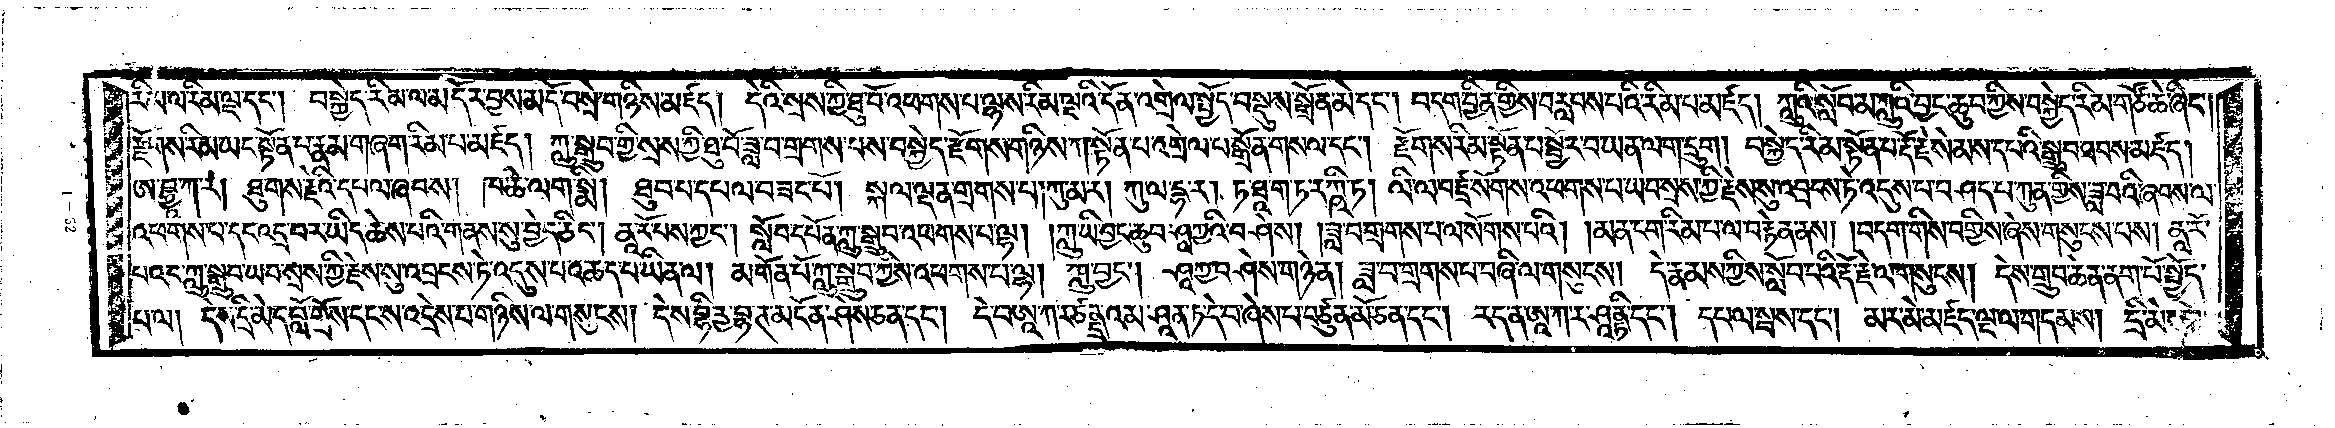རིམ་ལ་རིམ་ལྔ་དང་། བསྐྱེད་རིམ་ལ་མདོར་བྱས་མདོ་བསྲེ་གཉིས་མཛད། དེའི་སྲས་ཀྱི་ཐུ་བོ་འཕགས་པ་ལྷས་རིམ་ལྔའི་དོན་འགྲེལ་སྤྱོད་བསྡུས་སྒྲོན་མེ་དང་། བདག་བྱིན་གྱིས་བརླབས་པའི་རིམ་པ་མཛད། ཀླུའི་སློབ་མ་ཀླུའི་བྱང་ཆུབ་ཀྱིས་བསྐྱེད་རིམ་གཙོ་ཆེ་ཞིང་།
རྫོགས་རིམ་ཡང་སྟོན་པ་རྣམ་གཞག་རིམ་པ་མཛད། ཀླུ་སྒྲུབ་གྱི་སྲས་ཀྱི་ཐུ་བོ་ཟླ་བ་གྲགས་པས་བསྐྱེད་རྫོགས་གཉིས་ཀ་སྟོན་པ་འགྲེལ་པ་སྒྲོན་གསལ་དང་། རྫོགས་རིམ་སྟོན་པ་སྦྱོར་བ་ཡན་ལག་དྲུག། བསྐྱེད་རིམ་སྟོན་པ་རྡོ་རྗེ་སེམས་དཔའི་སྒྲུབ་ཐབས་མཛད།
ཨ་བྷྱཱ་ཀ་ར། ཐུགས་རྡོ་རྗེའི་དཔལ་ཞབས། ཁ་ཆེ་ལག་སྨི། ཐུབ་པ་དཔལ་བཟང་པོ། སྐལ་ལྡན་གྲགས་པ། ཀུ་མར། ཀུ་ལ་དྷ་ར། ཏ་ཐཱ་ག་ཏ་རཀྵི་ཏ། ལི་ལ་བཛྲ་སོགས་འཕགས་པ་ཡབ་སྲས་ཀྱི་རྗེས་སུ་འབྲངས་ཏེ་འདུས་པ་བཤད་པ་ཀུན་གྱིས་ཟླ་བའི་ཞབས་ལ་
འཕགས་པ་དང་འདྲ་བ་ཡིད་ཆེས་པའི་གནས་སུ་བྱེད་ཅིང་། ནཱ་རོ་པས་ཀྱང་། སློབ་དཔོན་ཀླུ་སྒྲུབ་འཕགས་པ་ལྷ། །ཀླུ་ཡི་བྱང་ཆུབ་ཤཱཀྱའི་བཤེས། །ཟླ་བ་གྲགས་པ་ལ་སོགས་པའི། །མན་ངག་རིམ་པ་ལ་བརྟེན་ནས། །བདག་གིས་བགྱིས་ཞེས་གསུངས་པས། ནཱ་རོ་
ལའང་ཀླུ་སྒྲུབ་ཡབ་སྲས་ཀྱི་རྗེས་སུ་འབྲངས་ཏེ་འདུས་པ་འཆད་པ་ཡིན་ལ། མགོན་པོ་ཀླུ་སྒྲུབ་ཀྱིས་འཕགས་པ་ལྷ། ཀླུ་བྱང་། ཤཱཀྱ་བཤེས་གཉེན། ཟླ་བ་གྲགས་པ་བཞི་ལ་གསུངས། དེ་རྣམས་ཀྱིས་སློབ་པའི་རྡོ་རྗེ་ལ་གསུངས། དེས་གྲུབ་ཆེན་ནག་པོ་སྤྱོད་
པ་ལ། དེ་འདྲི་མེད་བློ་གྲོས་དང་ས་འདྲེས་པ་གཉིས་ལ་གསུངས། དེས་བྷི་རྱ་བྷ་ཊ་མངོན་ཤེས་ཅན་དང་། དེ་བ་ཨཱ་ཀ་ར་ཙནྡྲའམ་ཤཱན་ཏ་དེ་བ་ཞེས་པ་བཙུན་མོ་ཅན་དང་། རད་ན་ཨཱ་ཀ་ར་ཤཱནྟི་དང་། དཔལ་སྦས་དང་། མར་མེ་མཛད་ལྔ་ལ་གདམས། དྲི་མེད་བློ་